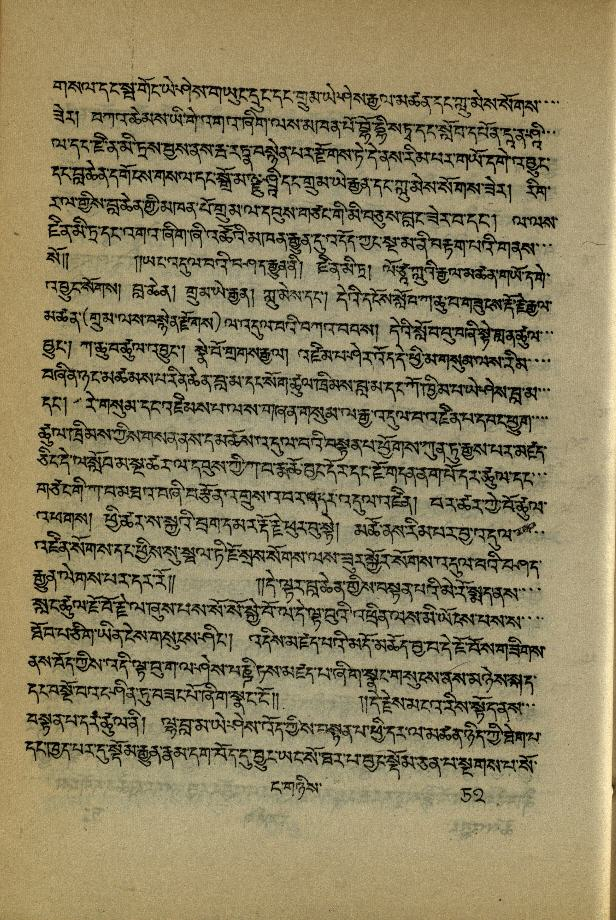གསལ་དང་སྦ་གོང་ཡེ་ཤེས་གཡུང་དྲུང་དང་གྲུམ་ཡེ་ཤེས་རྒྱལ་མཚན་དང་ཀླུ་མེས་སོགས་
ཟེར། བཀའ་ཆེམས་ཡི་གེ་འགའ་ཞིག་ལས་མཁན་པོ་བྷོ་དྷི་སཏྭ་དང་སློབ་དཔོན་དཱ་ན་ཤཱི་
ལ་དང་རྫི་ན་མི་ཏྲས་བྱས་ནས་རྦ་རཏྣ་བསྙེན་པར་རྫོགས་ཏེ་དེ་ནས་རིམ་པར་གཡོ་དགེ་འབྱུང་
དང་བླ་ཆེན་དགོངས་གསལ་དང་སྒྲོ་མཉྫུ་ཤྲཱི་དང་གྲུམ་ཡེ་རྒྱན་དང་ཀླུ་མེས་སོགས་ཟེར། རིག་
རལ་གྱིས་བླ་ཆེན་གྱི་མཁན་པོ་གྲུམ་ལ་དབུས་གཙང་གི་མི་བཅུས་བླང་ཟེར་བ་དང་། ལ་ལས་
ཛིན་མི་ཏྲ་དང་འགའ་ཞིག་ཞི་འཚོའི་མཁན་རྒྱུན་དུ་འདོད་ཀྱང་སྔ་མ་ནི་བརྟག་པའི་གནས་
སོ།། །།ཡང་འདུལ་བའི་བཤད་རྒྱུན་ནི། ཛི་ན་མི་ཏྲ། ལོ་ཙཱ་ཀླུའི་རྒྱལ་མཚན་གཡོ་དགེ་
འབྱུང་སོགས། བླ་ཆེན། གྲུམ་ཡེ་རྒྱན། ཀླུ་མེས་དང་། དེའི་དངོས་སློབ་ཀ་ཆུ་བ་གཟུངས་རྡོ་རྗེ་རྒྱལ་
མཚན་གྲུམ་ལས་བསྙེན་རྫོགས་ལ་འདུལ་བའི་བཀའ་བབས། དེའི་སློབ་བུ་བཞི་སྟེ་གླན་ཚུལ་
བྱུང་། ཀ་ཆུ་བ་ཚུལ་འབྱུང་། སྣེ་བོ་གྲགས་རྒྱལ། འཛིམ་པ་ཤེར་འོད་དེ་ཕྱི་མ་གསུམ་ལས་རིམ་
བཞིན་ཉང་མཚམས་པ་རིན་ཆེན་བླ་མ་དང་སོག་ཚུལ་ཁྲིམས་བླ་མ་དང་ཀོ་ཁྱིམ་པ་ཡེ་ཤེས་བླ་མ་
དང་། རེ་གསུམ་དང་འཛིམས་པ་ལས་གཞན་གསུམ་ལ་རྒྱ་འདུལ་བ་འཛིན་པ་དབང་ཕྱུག་
ཚུལ་ཁྲིམས་ཀྱིས་གསན་ནས་དམ་ཆོས་འདུལ་བའི་བསྟན་པ་ཕྱོགས་ཀུན་ཏུ་རྒྱས་པར་མཛད་
ཅིང་དེ་ལ་སློབ་མ་སྔ་ཚར་ལ་དབུས་ཀྱི་ཀ་བ་རྨ་ཆོ་བྱང་དོར་དང་ཇོ་གདན་ནག་པོ་དར་ཚུལ་དང་
གཙང་གི་ཀ་བ་མཐའ་བཞི་བརྩོན་འགྲུས་འབར་འདར་འདུལ་འཛིན། བར་ཚར་ཀྱེ་བོ་ཚུལ་
འཕགས། ཕྱི་ཚར་ས་སྐྱའི་བྲག་དམར་རྡོ་རྗེ་ཕུར་བུ་སྟེ། མཚོ་ནས་རིམ་པར་བྱ་འདུལ་
འཛིན་སོགས་དང་ཕྱིས་སུ་སྦལ་ཏི་ཇོ་སྲས་སོགས་ལས་ཟུར་སྐྱོར་སོགས་འདུལ་བའི་བཤད་
རྒྱུན་ལེགས་པར་དར་རོ།། །།དེ་ལྟར་བླ་ཆེན་གྱིས་བསྟན་པའི་མེ་རོ་སྨད་ནས་
སླང་ཚུལ་ཇོ་བོ་རྗེ་ལ་ཞུས་པས་སོ་སོ་སྐྱེ་བོ་ལ་དེ་ལྟ་བུའི་འཕྲིན་ལས་མི་ཡོངས་པས་ས་
ཐོབ་པ་ཅིག་ཡིན་ངེས་གསུངས་ཤིང་། འདིས་མཛད་པའི་མདོ་མཆོད་བྱ་བ་དེ་ཇོ་བོས་གཟིགས་
ནས་བོད་ཀྱིས་འདི་ལྟ་བུ་ག་ལ་ཤེས་པཎྜི་ཏས་མཛད་པ་ཞིག་སྣང་གསུངས་ནས་མཉེས་སྐད་
དང་བསྔོ་བའང་ཤིན་ཏུ་བཟང་པོ་ཞིག་སྣང་ངོ།། །།དེ་རྗེས་མངའ་རིས་སྟོད་ནས་
བསྟན་པ་དར་ཚུལ་ནི། ལྷ་བླ་མ་ཡེ་ཤེས་འོད་ཀྱིས་བསྟན་པ་ཕྱི་དར་ལ་མཚན་ཉིད་ཀྱི་ཐེག་པ་
དང་ཁྱད་པར་དུ་སྡོམ་རྒྱུན་རྣམ་དག་བོད་དུ་བྱུང་ཡང་སོ་ཐར་པ་བྱང་སྡོམ་ཅན་པ་སྔགས་པ་སོ་